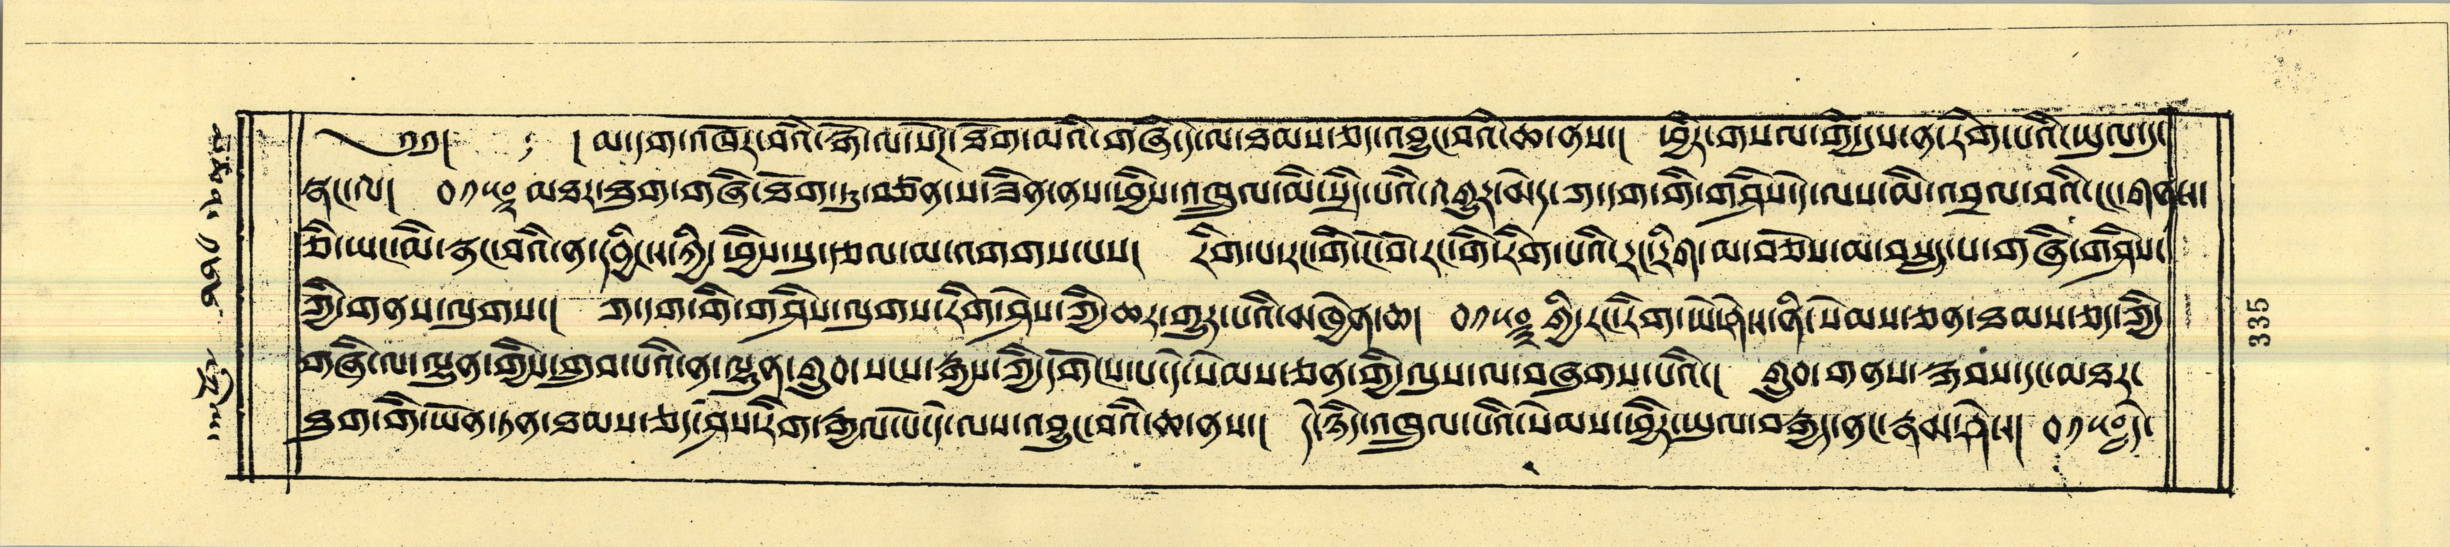མ་ངག་འཁོར་བའི་སྒོ་ལ་སོགས་ཐོག་མའི་གཞི་དེ་ལ་ཐམས་ཅད་འབྱུང་བའི་ཆ་ནས། ཕྱརི་གསལ་གྱི་དུས་ན་རིག་པའི་ཡུལ་དུ་ 
༼སྣང་ལ་༽བ༡༥༠།༢ མཐར་ཐུག་གཞི་ཐོག་ཏུ་བཙན་ས་ཟིན་ནས་ཕྱིས་འཁྲུལ་མི་སྲིད་པའི་ ༼འགྱུར་མེད་༽ཀ་དག་གི་གཤིས་དེ་ལས་མི་འབྲལ་བའི་ ༼ངང་གནས་
༽ཅི་ཡང་མི་སྣང་བའི་ན་ ༼དབྱིངས་ཀྱི་༽ཕྱིས་སུ་རྩལ་མ་འགགས་པས། རིག་པ་རང་གི་ངོ་བོ་རང་གི་རིག་པའི་ ༼རང་རིག་༽མ་བཅོས་མ་བསླད་པ་གཞི་གཤིས་
ཀྱི་གནས་ལུགས། ཀ་དག་གི་གཤིས་ལུགས་རིག་ཤེས་ཀྱི་ཆར་གྱུར་པའི་ ༼མཁྱེན་ཆ་༽བ༡༥༠།༣ ༼གྱི་༽རང་རིག་ ༼ཡེ་ཤེས་ནི་༽སེམས་ཅན་ཐམས་ཅད་ཀྱི་
གཞི་ལ་ལྷུན་གྱིས་གྲུབ་པའི་ན་ ༼ལྷུན་གྲུབ་༽སངས་རྒྱས་ཀྱི་དགོངས་པ་དེ་སེམས་ཅན་གྱི་ལུས་ལ་བཞུགས་པའི། ༼གྲུབ་༽གནས་སྐབས་དང་མཐར་
ཐུག་གི་ཡོན་ཏན་ཐམས་ཅད་ཤེས་རིག་རྒྱལ་པོ་དེ་ལས་འབྱུང་བའི་ཆ་ནས། ༼དེ་༽ཉིད་འཁྲུལ་པའི་སེམས་ཕྱིར་ཡུལ་བརྒྱད་ནང་ ༼རྣམ་ཤེས་༽བ༡༥༠།༤ དེ་